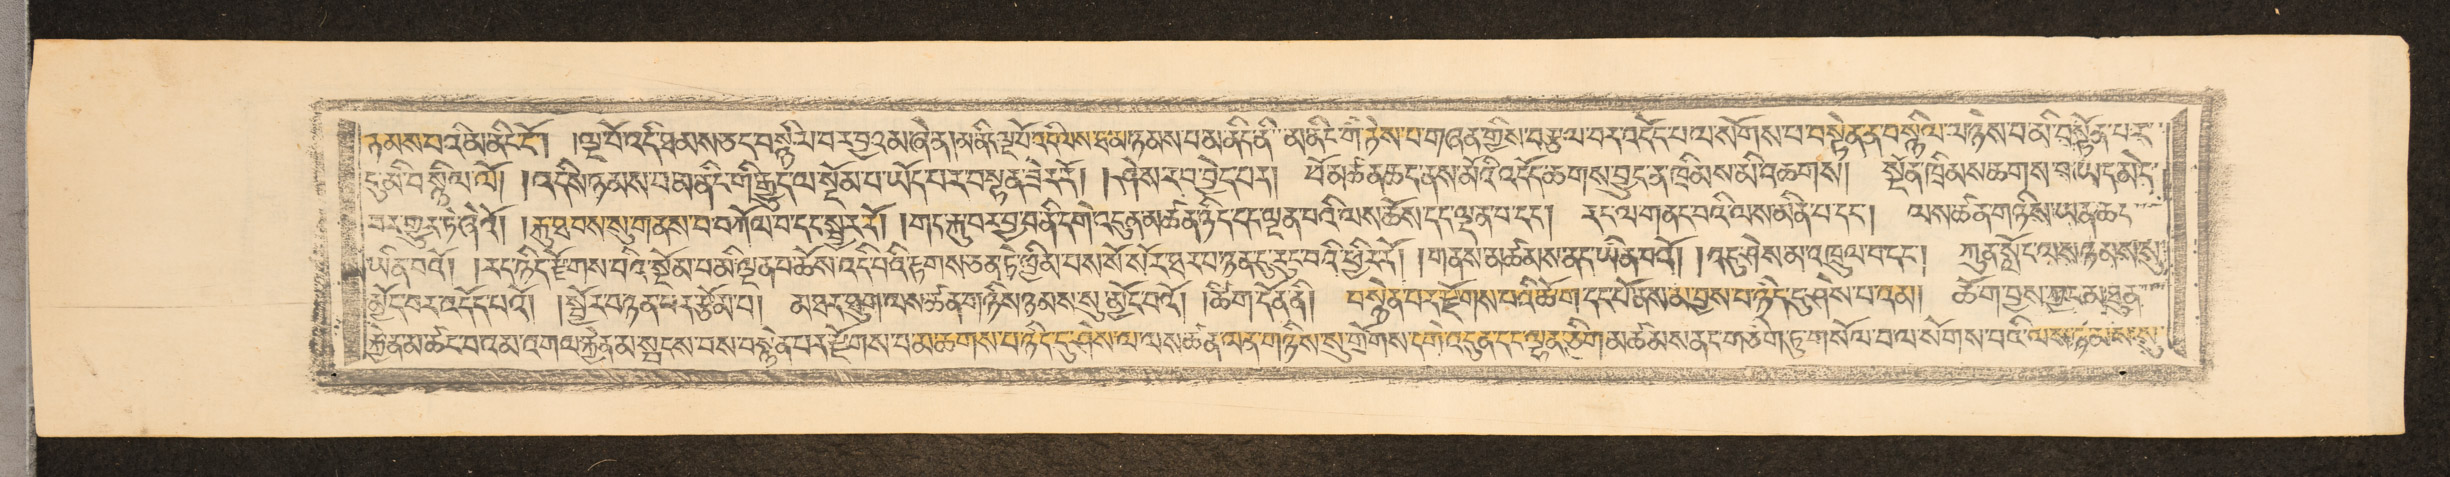ཉམས་པའི་མ་ནིང་དོ། །ལྔ་པོ་འདི་ཐམས་ཅད་བསྙིལ་བར་བྱའམ་ཞེ་ན། མ་ནིང་ལྔ་པོ་འདི་ལས་ཐ་མ་ཉམས་པ་མ་ནིང་ནི་མ་ནིང་གི་ཉེས་པ་གཞན་གྱིས་བརྩལ་བར་འདོད་པ་ལ་སོགས་པ་བསྟེན་ན་བསྙིལ་ལ་ཉེས་པ་མི་བསྟེན་པར་
དུ་མི་བསྙིལ་ལོ། །འདིས་ཉམས་པ་མ་ནིང་གི་རྒྱུད་ལ་སྡོམ་པ་ཡོད་པར་བསྟན་ཟེར་རོ། །ཤེས་རབ་བྱེད་པར། ཕོ་མཚན་ཆད་ནས་མོའི་འདོད་ཆགས་བྱུང་ན་ཁྲིམས་མི་འཆགས། སྔོན་ཁྲིམས་ཆགས་པ་ཡང་མེད་
པར་གྱུར་ཏེ་ཞེའོ། །རྐུ་ཐབས་སུ་གནས་པ་བཀོལ་བ་དང་སྦྱར་རོ། །གང་རྐུ་བར་བྱ་བ་ནི་དགེ་འདུན་མཚན་ཉིད་དང་ལྡན་པའི་ལས་ཆོས་དང་ལྡན་པ་དང་། རང་ལ་གནང་བའི་ལས་མིན་པ་དང་། ལས་ཚན་གཉིས་ཡན་ཆད་
ཡིན་པའོ། །རང་ཉིད་རྫོགས་པའི་སྡོམ་པ་མི་ལྡན་པ་ཆོས་འདི་པའི་རྟགས་ཅན་ཏེ་ཁྱིམ་པས་སོ་སོར་ཐར་པ་ཉན་དུ་རུང་བའི་ཕྱིར་རོ། །གནས་མཚམས་ནང་ཡིན་པའོ། །འདུ་ཤེས་མ་འཁྲུལ་བ་དང་། ཀུན་སློང་ལས་ཉམས་སུ་
མྱོང་བར་འདོད་པའོ། །སྦྱོར་བ་ཉན་པར་རྩོམ་པ། མཐར་ཐུག་ལས་ཚན་གཉིས་ཉམས་སུ་མྱོང་བའོ། །ཚིག་དོན་ནི། བསྙེན་པར་རྫོགས་པའི་ཆོ་ག་དང་པོ་ནས་མ་བྱས་པ་ཉིད་དུ་ཤེས་པ་འམ། ཆོ་ག་བྱས་ཀྱད་མཐུན་
རྐྱེན་མ་ཚང་བ་འམ་འགལ་རྐྱེན་མ་སྤངས་པས་བསྙེན་པར་རྫོགས་པ་མ་ཆགས་པ་ཉིད་དུ་ཤེས་ལ་ལས་ཚན་ལན་གཉིས་སུ་གྲོགས་དགེ་འདུན་དང་ལྷན་ཅིག་མཚམས་ནང་གཅིག་ཏུ་གསོལ་བ་ལ་སོགས་པའི་ལས་ཉམས་སུ་